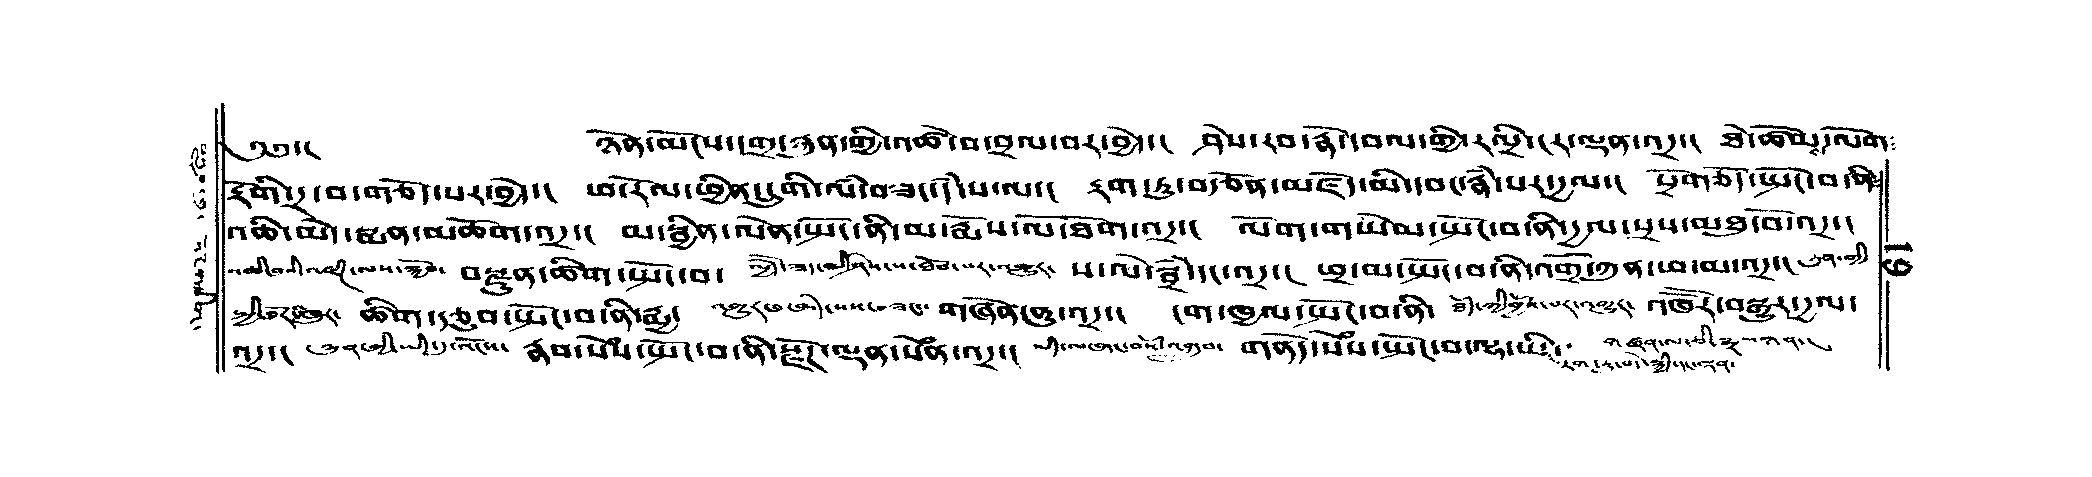ཉོན་མོངས་དགྲ་ཀུན་གྱི་འཚེ་བ་བྲལ་བར་བྱེད། །ཤེས་རབ་རྣོ་དབལ་གྱི་རལ་གྲི་ངར་ལྡན་འདྲ། །ཐེ་ཚོམ་ལོག་
རྟོག་གི་དྲྭ་བ་གཅོད་པར་བྱེད། །ཕ་རོལ་ཕྱིན་དྲུག་གི་ལམ་བཟང་དམ་པ་ལ། །རྟག་ཏུ་བརྩོན་མཛོད་མི་དབང་རྣམ་པར་རྒྱལ། །སྲོག་བཅོད་སྤོང་བ་ནི་
འཆི་མེད་སྨན་མཆོག་འདྲ། །མ་སྦྱིན་ལེན་སྤོང་ནི་ལོངས་སྤྱོད་ཟད་མི་ཤེས་པ་ཐོབ་པར་འགྱུར། མ་རྨོས་ལོ་ཐོག་འདྲ། །ལོག་གཡེམ་སྤོང་བ་ཀུན་གྱི་སྤྱི་བོར་འཁུར་ནི་རྒྱལ་སྲས་ཐུ་བོ་འདྲ། ། 
འཆི་བའི་འཇིགས་ལས་སྐྱེས་བརྗུན་ཚིག་སྤོང་བ་འགྱུར་བ་མེད་པས་བཟང་། ས་ལེ་སྦྲམ་དང་འདྲ། །ཕྲ་མ་སྤོང་བ་ནི་ཐམས་ཅད་ཀྱི་བྱམས་པར་འགྱུར། འགྲོ་ཀུན་ཕ་མ་འདྲ། ། ཀུན་གྱི་
སྤྱི་བོར་འགྱུར་ ཚིག་རྩུབ་སྤོང་བ་ནི་ཀུན་གྱིས་ཡིད་དུ་འོང་། རྨ་བྱ་གཞོན་ནུ་འདྲ། །ངག་འཁྱལ་སྤོང་བ་ནི་འཁོར་ལོས་བསྒྱུར་གཞན་ལ་ཅི་སྨྲས་ཉན་རྒྱལ་
འདྲ། ། ཀུན་གྱི་ཡིད་དུ་འོངས་ བརྣབ་སེམས་སྤོང་བ་ནིརྫོགས་ལྡན་སེམས་ཅན་ཡིད་ལ་གང་བསམ་འགྲུབ་འདྲ། །གནོད་སེམས་སྤོང་བ་ལྷ་ཡི་རྟག་ཏུ་བདེ་སྐྱིད་དང་ལྡན།